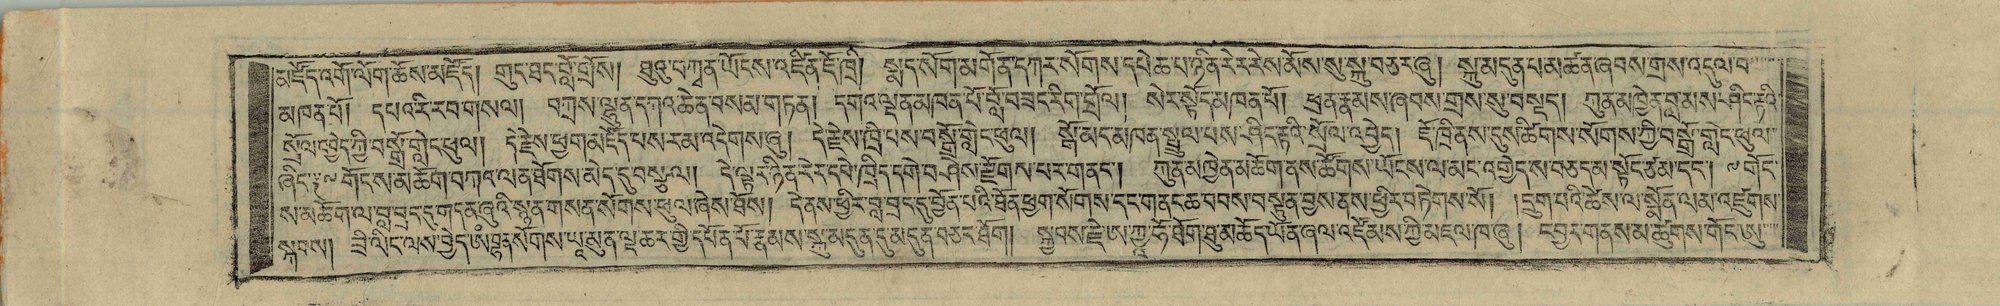མཛོད་འགོ་ལོག་ཆོས་མཛོད། གུང་ཐང་བློ་གྲོས། ཐུའུ་བཀྭན་ཡོངས་འཛིན་ཇོ་ཁྲི། སྨད་སོག་མགོན་དཀར་སོགས་དཔེ་ཆ་པ་ཉིན་རེར་རེས་མོས་སུ་སྐུ་བཅར་ཞུ། སྐུ་མདུན་པ་མཚན་ཞབས་གྲས་འདུལ་བ་
མཁན་པོ། དཔའ་རི་རབ་གསལ། བཀྲས་ལྷུན་དཀའ་ཆེན་བསམ་གཏན། དགའ་ལྡན་མཁན་པོ་བློ་བཟང་རིག་གྲོལ། སེར་སྟོད་མཁན་པོ། ཕྲན་རྣམས་ཞབས་གྲས་སུ་བསྡད། ཀུན་མཁྱེན་བླ་མས་ཤིང་རྟའི་
སྲོལ་འབྱེད་ཀྱི་བསྒྲོ་གླེང་ཕུལ། དེ་རྗེས་ཕྱག་མཛོད་པས་རབ་འདེགས་ཞུ། དེ་རྗེས་ཁྲི་པས་བསྒྲོ་གླེང་ཕུལ། སྒོ་མང་མཁན་སྤྲུལ་པས་ཤིང་རྟའི་སྲོལ་འབྱེད། ཇོ་ཁྲི་ནས་དུས་ཚིགས་སོགས་ཀྱི་བསྒྲོ་གླེང་ཕུལ་
ཞིང༑ ༧གོང་ས་མཆོག་བཀའ་ལན་ཐོགས་མེད་དུ་བསྩལ། དེ་ལྟར་ཉིན་རེར་དཔེ་ཁྲིད་དགེ་བཤེས་རྫོགས་པར་གནང་། ཀུན་མཁྱེན་མཆོག་ནས་ཚོགས་ཡོངས་ལ་མང་འགྱེད་ས་བཅད་མ་སྟོང་ཙམ་དང་། ༧གོང་
ས་མཆོག་ལ་བླ་བྲང་དུ་གདན་ཞུའི་སྙན་གསན་སོགས་ཕུལ་ཞེས་ཐོས། དེ་ནས་ཕྱིར་བླ་བྲང་དུ་བྱོན་པའི་ཐོན་ཕྱག་སོགས་དང་གནང་ཆ་བབས་བསྟུན་བྱས་ནས་ཕྱིར་བཏེགས་སོ། །དྲུག་པའི་ཚེས་ལ་སྨོན་ལམ་འཛུགས་
སྐབས། ཟི་ལིང་ལས་བྱེད་ཨཾ་བྷན་སོགས་ཡཱ་མུན་ལྔ་ཆར་གྱི་དཔོན་པོ་རྣམས་སྐུ་མདུན་དུ་མདུན་བཅར་ཐོག །སྐྱབས་རྗེ་ཨ་ཀྱཱ་ཧོ་ཐོག་ཐུ་མཆོད་ཡོན་ཞལ་འཛོམས་ཀྱི་མཇལ་ཁ་ཞུ། དབྱར་གནས་མ་ཚུགས་གོང་ཨུ་